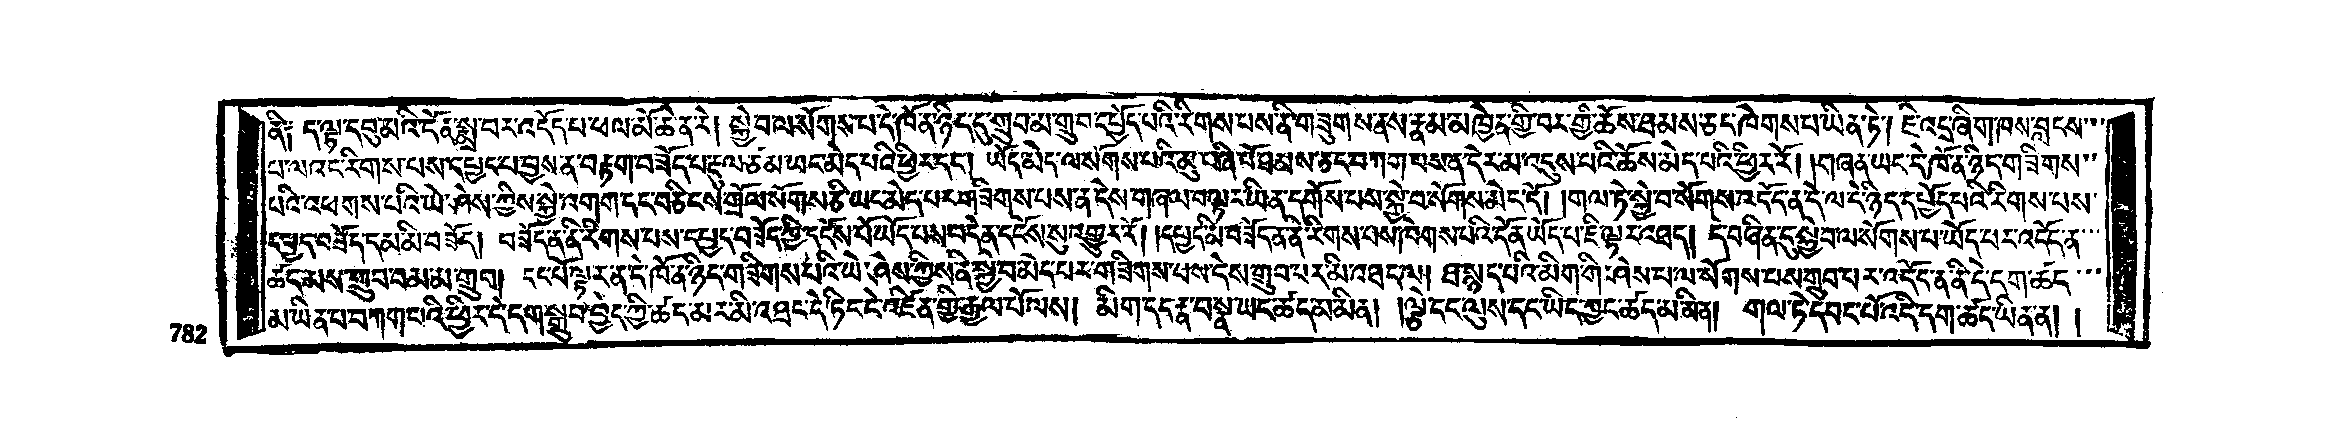ནི༑ ད་ལྟ་དབུ་མའི་དོན་སྨྲ་བར་འདོད་པ་ཕལ་མོ་ཆེན་རེ། སྐྱེ་བ་ལ་སོགས་པ་དེ་ཁོ་ན་ཉིད་དུ་གྲུབ་མ་གྲུབ་དཔྱོད་པའི་རིགས་པས་ནི་གཟུགས་ནས་རྣམ་མཁྱེན་གྱི་བར་གྱི་ཆོས་ཐམས་ཅད་ཁེགས་པ་ཡིན་ཏེ། ཇི་འདྲ་ཞིག་ཁས་བླངས་
པ་ལའང་རིགས་པས་དཔྱད་པ་བྱས་ན་བརྟག་བཟོད་པ་རྡུལ་ཙམ་ཡང་མེད་པའི་ཕྱིར་དང་། ཡོད་མེད་ལ་སོགས་པའི་མུ་བཞི་པོ་ཐམས་ཅད་བཀག་པས་ན་དེར་མ་འདུས་པའི་ཆོས་མེད་པའི་ཕྱིར་རོ། །གཞན་ཡང་དེ་ཁོ་ན་ཉིད་གཟིགས་
པའི་འཕགས་པའི་ཡེ་ཤེས་ཀྱིས་སྐྱེ་འགག་དང་བཅིངས་གྲོལ་སོགས་ཅི་ཡང་མེད་པར་གཟིགས་པས་ན་དེས་གཞལ་བ་ལྟར་ཡིན་དགོས་པས་སྐྱེ་བ་སོགས་མེད་དོ། །གལ་ཏེ་སྐྱེ་བ་སོགས་འདོད་ན་དེ་ལ་དེ་ཉིད་དཔྱོད་པའི་རིགས་པས་
དཔྱད་བཟོད་དམ་མི་བཟོད། བཟོད་ན་ནི་རིགས་པས་དཔྱད་བཟོད་ཀྱི་དངོས་པོ་ཡོད་པས་བདེན་དངོས་སུ་འགྱུར་རོ། །དཔྱད་མི་བཟོད་ན་ནི་རིགས་པས་ཁེགས་པའི་དོན་ཡོད་པ་ཇི་ལྟར་འཐད། དེ་བཞིན་དུ་སྐྱེ་བ་ལ་སོགས་པ་ཡོད་པར་འདོད་ན་
ཚད་མས་གྲུབ་བམ་མ་གྲུབ། དང་པོ་ལྟར་ན་དེ་ཁོ་ན་ཉིད་གཟིགས་པའི་ཡེ་ཤེས་ཀྱིས་ནི་སྐྱེ་བ་མེད་པར་གཟིགས་པས་དེས་གྲུབ་པར་མི་འཐད་ལ། ཐ་སྙད་པའི་མིག་གི་ཤེས་པ་ལ་སོགས་པས་གྲུབ་པར་འདོད་ན་ནི་དེ་དག་ཚད་
མ་ཡིན་པ་བཀག་པའི་ཕྱིར་དེ་དག་སྒྲུབ་བྱེད་ཀྱི་ཚད་མར་མི་འཐད་དེ་ཏིང་ངེ་འཛིན་གྱི་རྒྱལ་པོ་ལས། མིག་དང་རྣ་བ་སྣ་ཡང་ཚད་མ་མིན། །ལྕེ་དང་ལུས་དང་ཡིད་ཀྱང་ཚད་མ་མིན། །གལ་ཏེ་དབང་པོ་འདི་དག་ཚད་ཡིན་ན། །